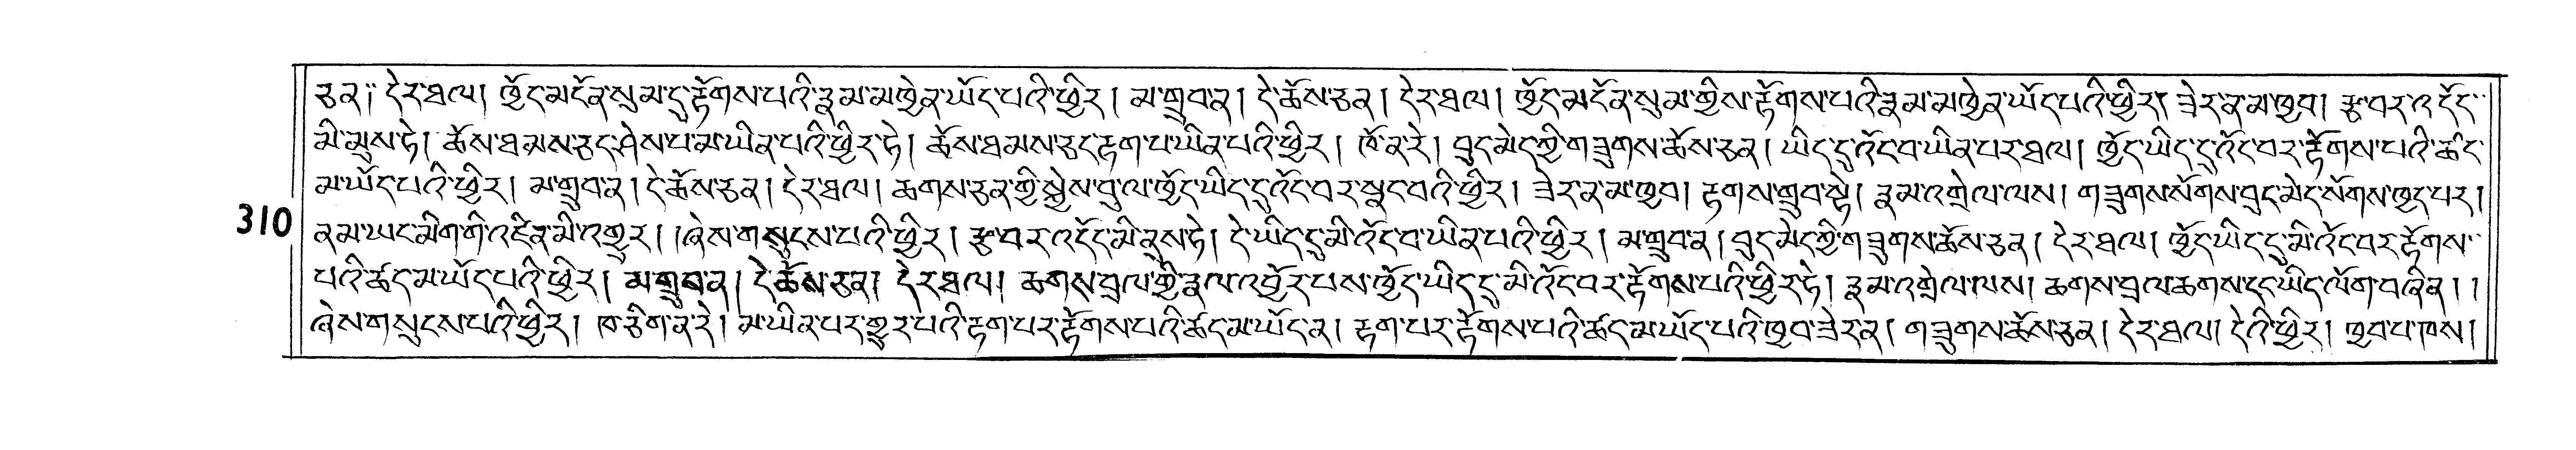ཅན༑ དེར་ཐལ། ཁྱོད་མངོན་སུམ་དུ་རྟོགས་པའི་རྣམ་མཁྱེན་ཡོད་པའི་ཕྱིར། མ་གྲུབ་ན། དེ་ཆོས་ཅན། དེར་ཐལ། ཁྱོད་མངོན་སུམ་གྱིས་རྟོགས་པའི་རྣམ་མཁྱེན་ཡོད་པའི་ཕྱིར། ཟེར་ན་མ་ཁྱབ། རྩ་བར་འདོད་
མི་མུས་ཏེ། ཆོས་ཐམས་ཅད་ཤེས་པ་མ་ཡིན་པའི་ཕྱིར་ཏེ། ཆོས་ཐམས་ཅད་རྟག་པ་ཡིན་པའི་ཕྱིར། ཁོ་ན་རེ། བུད་མེད་ཀྱི་གཟུགས་ཆོས་ཅན། ཡིད་དུ་འོང་བ་ཡིན་པར་ཐལ། ཁྱོད་ཡིད་དུ་འོང་བར་རྟོགས་པའི་ཚད་
མ་ཡོད་པའི་ཕྱིར། མ་གྲུབ་ན། དེ་ཆོས་ཅན། དེར་ཐལ། ཆགས་ཅན་གྱི་སྐྱེས་བུ་ལ་ཁྱོད་ཡིད་དུ་འོང་བར་སྣང་བའི་ཕྱིར། ཟེར་ན་མ་ཁྱབ། རྟགས་གྲུབ་སྟེ། རྣམ་འགྲེལ་ལས། གཟུགས་སོགས་བུད་མེད་སོགས་ཁྱད་པར།
ནམ་ཡང་མིག་གི་འཛིན་མི་འགྱུར། །ཞེས་གསུངས་པའི་ཕྱིར། རྩ་བར་འདོད་མི་ནུས་ཏེ། དེ་ཡིད་དུ་མི་འོང་བ་ཡིན་པའི་ཕྱིར། མ་གྲུབ་ན། བུད་མེད་ཀྱི་གཟུགས་ཆོས་ཅན། དེར་ཐལ། ཁྱོད་ཡིད་དུ་མི་འོང་བར་རྟོགས་
པའི་ཚད་མ་ཡོད་པའི་ཕྱིར། མ་གྲུབ་ན། དེ་ཆོས་ཅན། དེར་ཐལ། ཆགས་བྲལ་གྱི་རྣལ་འབྱོར་པས་ཁྱོད་ཡིད་དུ་མི་འོང་བར་རྟོགས་པའི་ཕྱིར་ཏེ། རྣམ་འགྲེལ་ལས། ཆགས་བྲལ་ཆགས་དང་ཡིད་ལོག་བཞིན། །
ཞེས་གསུངས་པའི་ཕྱིར། ཁ་ཅིག་ན་རེ། མ་ཡིན་པར་གྱུར་པའི་རྟག་པ་རྟོགས་པའི་ཚད་མ་ཡོད་ན། རྟག་པར་རྟོགས་པའི་ཚད་མ་ཡོད་པའི་ཁྱབ་ཟེར་ན། གཟུགས་ཆོས་ཅན། དེར་ཐལ། དེའི་ཕྱིར། ཁྱབ་པ་ཁས་